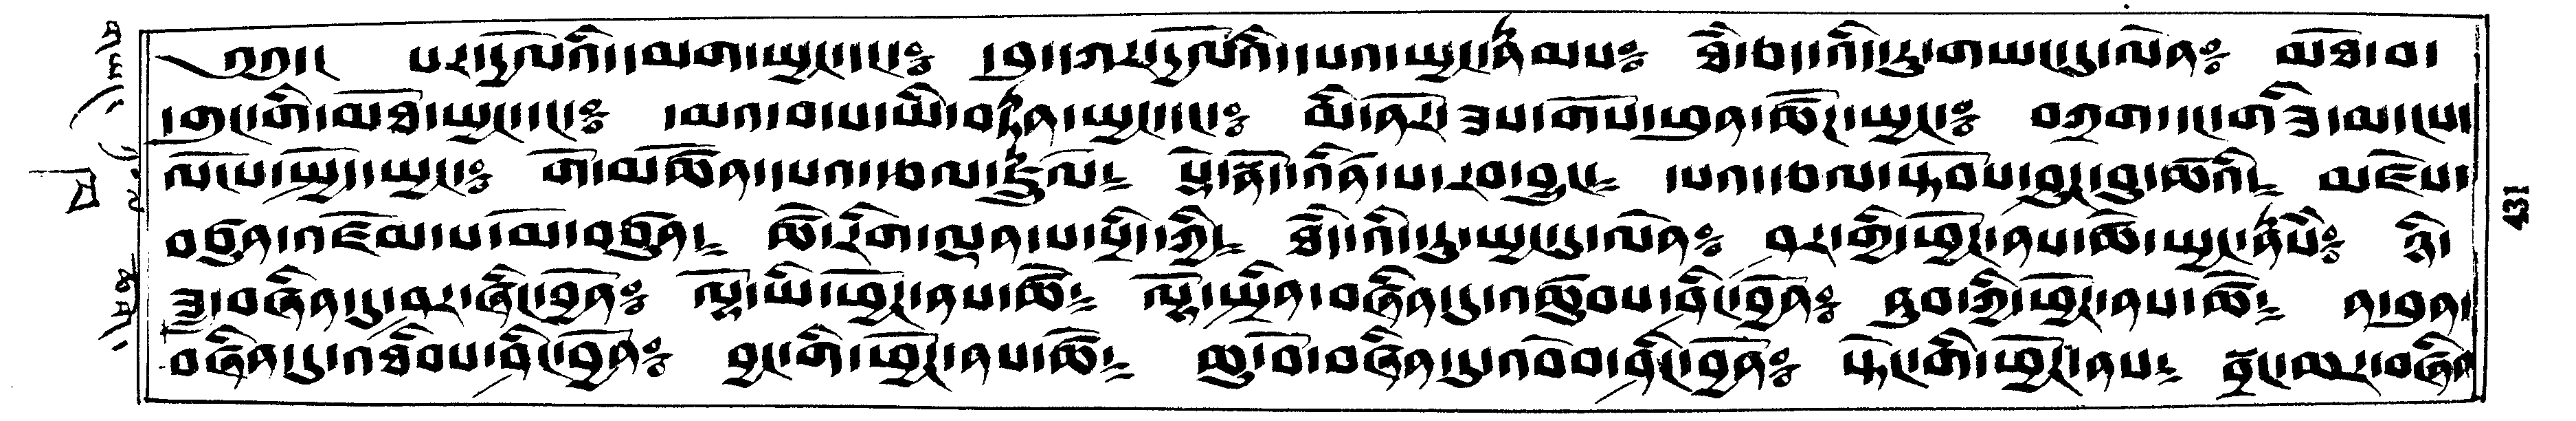སར་རྒྱལ་པོའི་དམག་གཡང་དང༔ དབུ་དཀར་རྒྱལ་པོའི་དཔའ་གཡང་རྣམས༔ ཐམས་ཅད་འདི་རུ་གཡང་དུ་ལེནཿ མཐོ་བ་
དགུང་གི་མཐོ་གཡང་དང༔ དམའ་བ་ས་ཡི་བརྟན་གཡང་དང༔ མི་ནོར་ཟས་གོས་ཕུན་ཚོགས་གཡང༔ བཀྲག་དང་གཟི་མདངས་
ལོངས་སྤྱོད་གཡང༔ གོ་མཚོན་དཔའ་རྩལ་རྫུ་འཕྲུལ༴ སྡེ་སྣོད་འཛིན་པ་རབ་བྱུང༴ དཔའ་རྩལ་སྟོབས་ཤུགས་བུ་ཚའི༴ མཛེས་
བཙུན་འཛོམ་པ་མོ་བཙུན༴ ཚེ་རིག་ལྡན་པ་སྲིད་ཀྱི༴ ཐམས་ཅད་འདི་རུ་གཡང་དུ་ལེན༔ ཤར་གྱི་ཕྱོགས་ནས་ཚེ་གཡང་རྣམས༔ ཉི་
ཟླ་བཞིན་དུ་ཤར་ཞིང་བྱོན༔ ལྷོ་ཡི་ཕྱོགས་ནས་ཚེ༴ ལྷོ་སྤྲིན་བཞིན་དུ་འཚུབས་ཤིང་བྱོན༔ ནུབ་ཀྱི་ཕྱོགས་ནས་ཚེ༴ ན་བུན་
བཞིན་དུ་འཐིབས་ཤིང་བྱོན༔ བྱང་གི་ཕྱོགས་ནས་ཚེ༴ ཆུ་བོ་བཞིན་དུ་འབབ་ཅིང་བྱོན༴ སྟེང་གི་ཕྱོགས་ནས༴ སྦྲང་ཆར་བཞིན་